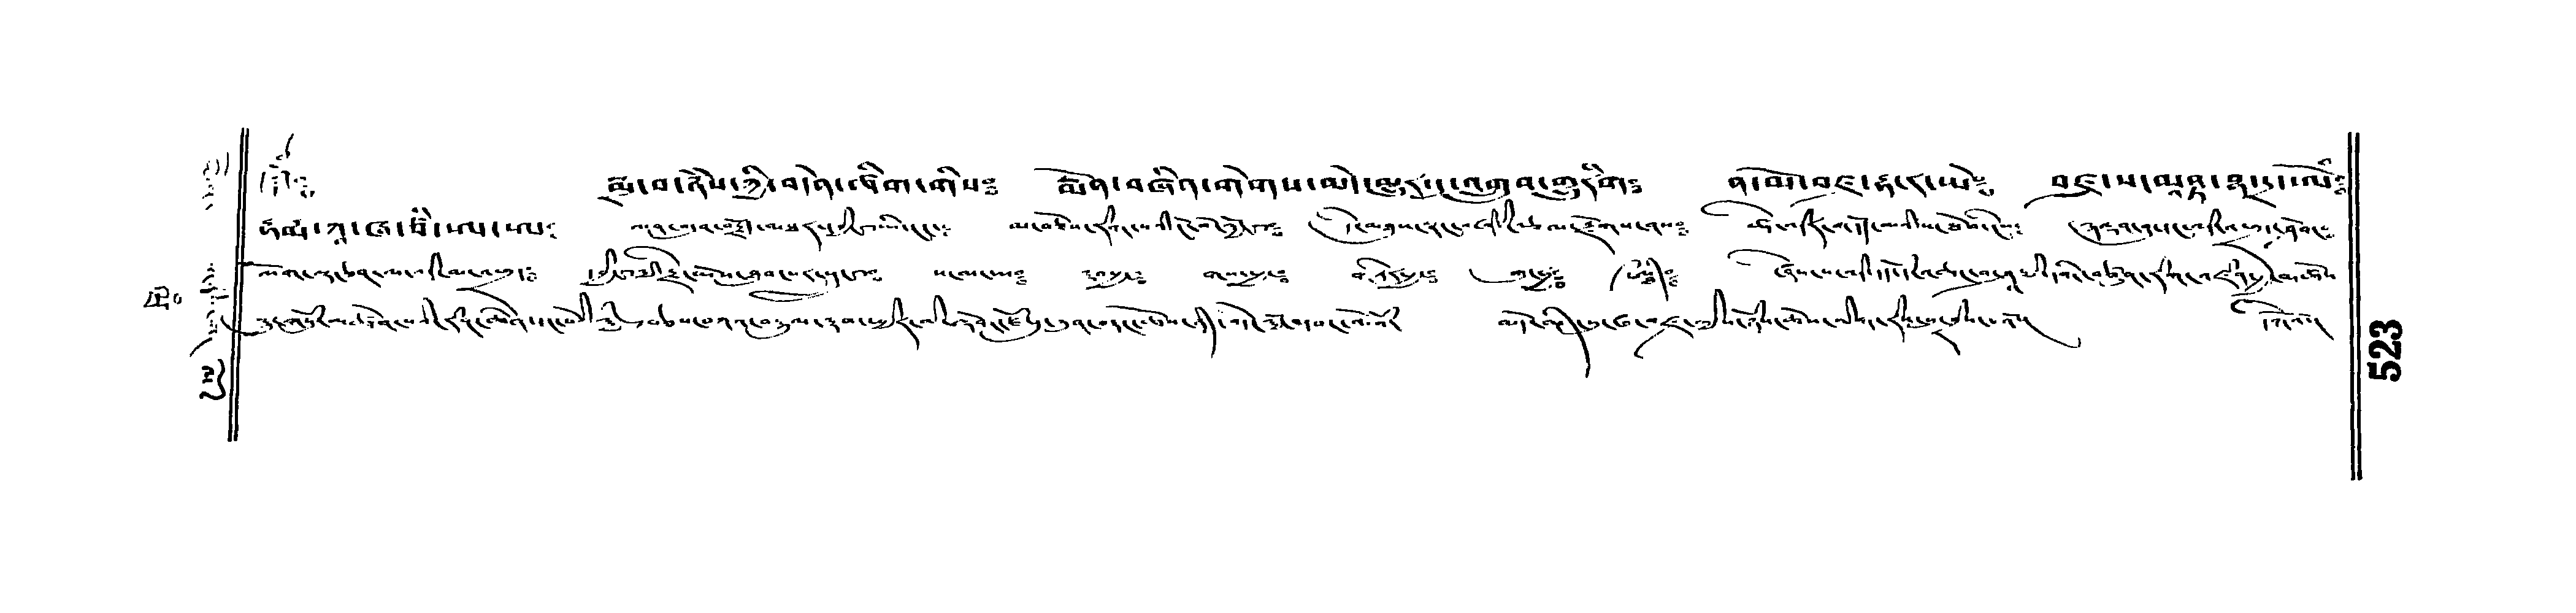སྨྲ་བ་རྣམས་ཀྱི་བདེན་ཚིག་གིས༔ སྨོན་བཞིན་བགེགས་མེད་མྱུར་དུ་འགྲུབ་གྱུར་ཅིག༔ ན་མོ་བཛྲ་དྷ་ར་ཡེ༔ བཛྲ་ས་མཱནྟ་བྷ་དྲ་ཨོཾ༔ 
དྷརྨ་ཀཱ་ཝ་ཙི་ཨ་ཨཱཿ ལན་བདུན་བརྗོད་མཐར་དབྱིངསེ་ཡེའི་ངང༔ མ་བཅོས་རིག་པའི་ངོ་བོ་སྐྱོངས༔ དེ་མཐུས་སྣང་བཞིའི་རྩལ་རྫོགས་ནས༔ ཚེ་འདིར་གདོད་མའི་ས་ཐོབ་ངེས༔ སྐལ་ལྡན་བུ་དང་འདི་འཕྲད་ཤོག༔ 
ལོག་ལྟ་ཅན་ལ་འདི་མ་འཕྲད༔ དབྱིངས་ཀྱི་རྗེ་མོས་ཐུབ་པར་སྲུངས༔ ས་མ་ཡ༔ ཟབ་རྒྱ༔ གསང་རྒྱ༔ གཏེར་རྒྱ༔ གུ་ཧྱ༔ ༔ ཞེས་པ་འདི་དད་དམ་འཆང་བ་ཤཱཀྱའི་དགེ་བཙུན་རིག་འཛིན་རྒྱ་མཚོས་
སྐུ་གསུམ་མཚོན་པའི་རིན་ཆེན་དང་པོའི་སྐྱེས་བཅས་བཀའ་བསྐུལ་ཟབ་ཕྱིར་མི་ལྡོག་ཙམ་དུ་ཀུན་བཟང་ཆོས་ཉིད་བདེ་སྐྱོང་དབང་མོའམ༔ མདོ་མེད་སུ་ཁ་བཛྲ་གྱིས་ཉམས་ཆོས་ཡིག་རིས་སུ་བྲིས་པའོ།། དགེའོ།།